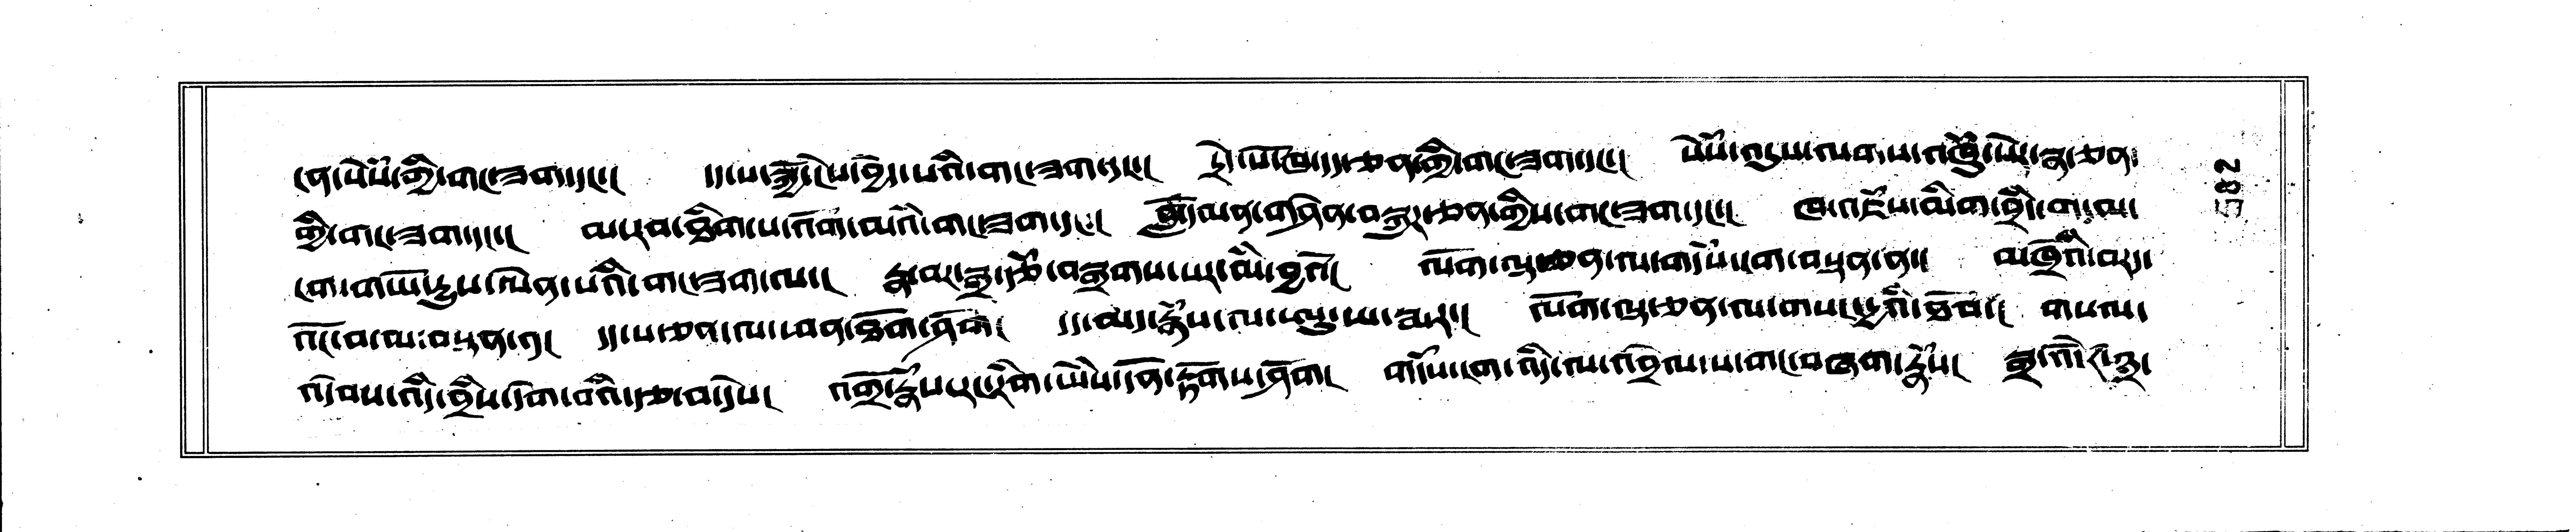སེམས་ངན་གྱི་གང་ཟག་དང་། དད་པ་སྐྱོ་ངས་བྱེད་པའི་གང་ཟག་དང་། དྲེད་པོ་ཁ་དད་ཅན་གི་གང་ཟག་དང་། སེམས་འདུས་ལག་འཁུམ་སེར་སྣ་ཅན་
གྱི་གང་ཟག་དང་། མ་རབས་ཐེག་པ་འོག་མའི་གང་ཟག་དང་། བློ་དམན་གཤེ་བསྐུར་ཅན་གྱི་གང་ཟག་དང་། ཁ་འཇམས་མིག་བྲིད་གདམས་
ངག་གཡོ་རྒྱུས་༼སྒྱུས༽ལེན་པའི་གང་ཟག་ལ། རྣ་བར་སྒྲ་ཙམ་བསྒྲགས་པར་མི་བྱའོ། ལོག་ལྟ་ཅན་ལ་གདམས་ངག་བསྟན་ན། མཁའ་འགྲོའི་བར་
ཆོད་འོང་པའི་༼བས༽མ་བསྟན་ཅིག དད་པ་ཅན་ལ་ཕན་ཐོགས་ཤོག དད་མེད་རྣམས་ལ་ཨུ་ཡ་སྨྲ་༼སྨར༽། ལོག་ལྟ་ཅན་ལ་གསང་རྒྱའི་ཐོབ། གསལ་
འདེབས་འདི་བྲིས་དགེ་བའི་རྩ་བ་དེས། འགྲོ་རྣམས་རང་རིག་ཡེ་ཤེས་དོན་རྟོགས་ཤོག གདམས་ངག་འདི་ལ་འབྲེལ་པ་གང་བཞག་རྣམས། སྒྲ་འོད་ཟེར་གསུམ་